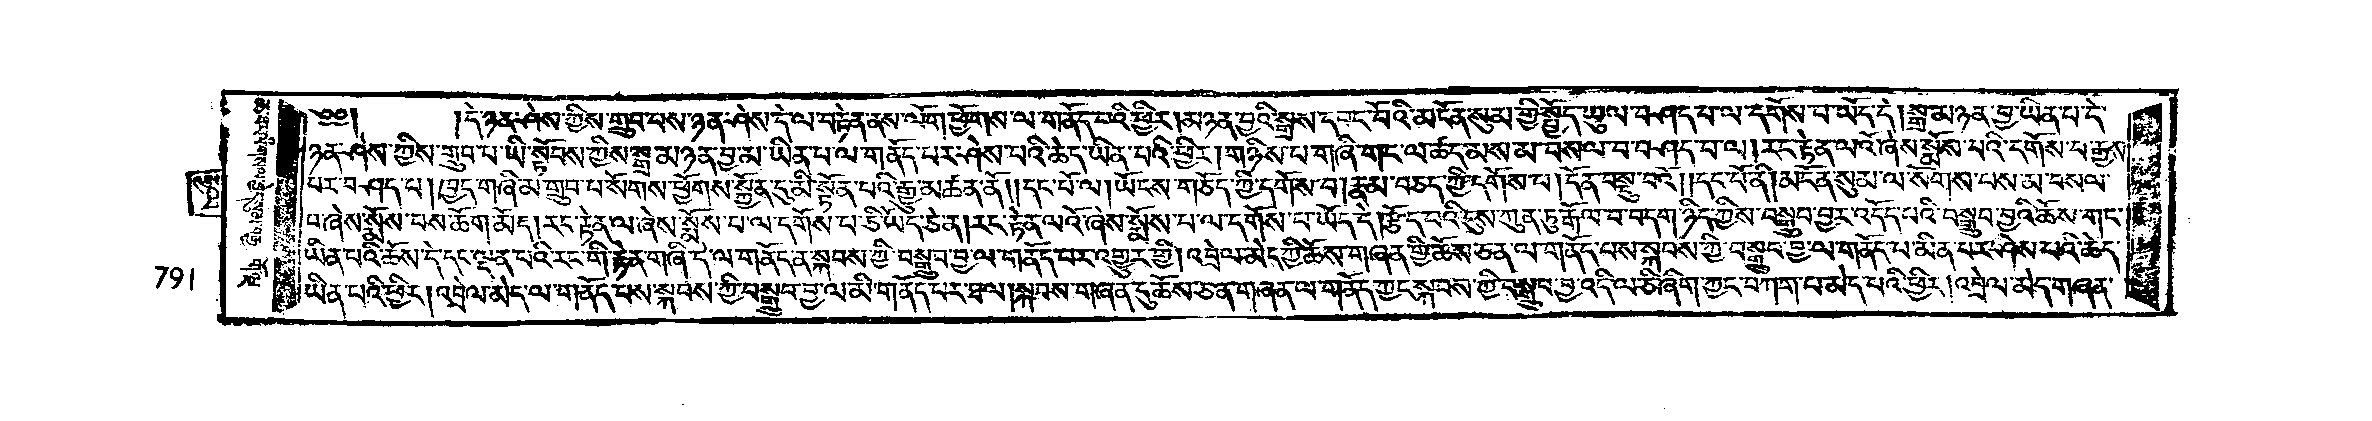༄༅། །དེ་ཉན་ཤེས་ཀྱིས་གྲུབ་པས་ཉན་ཤེས་དེ་ལ་བརྟེན་ནས་ལོག་ཕྱོགས་ལ་གནོད་པའི་ཕྱིར། མཉན་བྱའི་སྒྲས་དབང་པོའི་མངོན་སུམ་གྱི་སྤྱོད་ཡུལ་བཤད་པ་ལ་དགོས་པ་ཡོད་དེ། སྒྲ་མཉན་བྱ་ཡིན་པ་དོན་
ཉན་ཤེས་ཀྱིས་གྲུབ་པ་ཡི་སྟོབས་ཀྱིས་སྒྲ་མཉན་བྱ་མ་ཡིན་པ་ལ་གནོད་པར་ཤེས་པའི་ཆེད་ཡིན་པའི་ཕྱིར། གཉིས་པ་གཞི་གང་ལ་ཚད་མས་མ་བསལ་བ་བཤད་པ་ལ། རང་རྟེན་ལའོ་ཞེས་སྨོས་པའི་དགོས་པ་རྒྱས་
པར་བཤད་པ། ཁྱད་གཞི་མ་གྲུབ་པ་སོགས་ཕྱོགས་སྐྱོན་དུ་མི་སྟོན་པའི་རྒྱུ་མཚན་ནོ། །དང་པོ་ལ། ཡོངས་གཅོད་ཀྱི་དགོས་བ། རྣམ་བཅད་ཀྱི་དགོས་པ། དོན་བསྡུ་བའོ། །དང་པོ་ནི། མངོན་སུམ་ལ་སོགས་པས་མ་བསལ་
པ་ཞེས་སྨོས་པས་ཆོག་མོད། རང་རྟེན་ལ་ཞེས་སྨོས་པ་ལ་དགོས་པ་ཅི་ཡོད་ཅེ་ན། རང་རྟེན་ལའོ་ཞེས་སྨོས་པ་ལ་དགོས་པ་ཡོད་དེ། རྩོད་པའི་དུམ་ཀུན་ཏུ་རྒོལ་བ་བདག་ཉིད་ཀྱིས་བསྒྲུབ་བྱར་འདོད་པའི་བསྒྲུབ་བྱའི་ཆོས་གང་
ཡིན་པའི་ཆོས་དེ་དང་ལྡན་པའི་རང་གི་རྟེན་གཞི་དེ་ལ་གནོད་ན་སྐབས་ཀྱི་བསྒྲུབ་བྱ་ལ་གནོད་པར་འགྱུར་གྱི། འབྲེལ་མེད་ཀྱི་ཆོས་གཞན་གྱི་ཆོས་ཅན་ལ་གནོད་པས་སྐབས་ཀྱི་བསྒྲུབ་བྱ་ལ་གནོད་པ་མིན་པར་ཤེས་པའི་ཚེད་
ཡིན་པའི་ཕྱིར། འབྲེལ་མེད་ལ་གནོད་པས་སྐབས་ཀྱི་བསྒྲུབ་བྱ་ལ་མི་གནོད་པར་ཐལ། སྐབས་གཞན་དུ་ཆོས་ཅན་གཞན་ལ་གནོད་ཀྱང་སྐབས་ཀྱི་བསྒྲུབ་བྱ་འདི་ལ་ཅི་ཞིག་ཀྱང་བཀག་པ་མེད་པའི་ཕྱིར། འབྲེལ་མེད་གཞན་